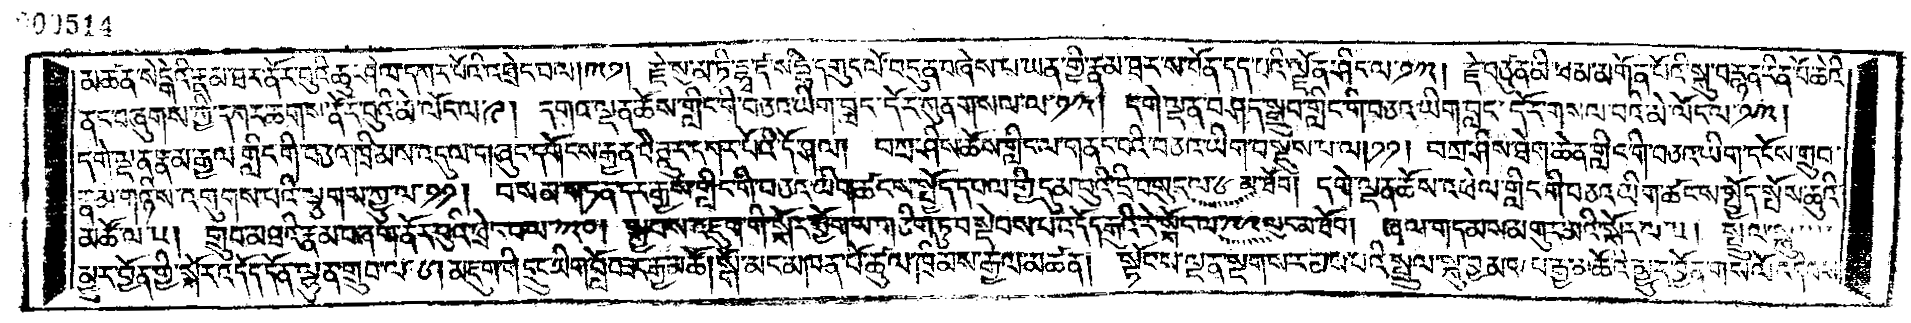མཚན་སེངྒེའི་རྣམ་ཐར་ནོར་བུའི་ཆུ་ཤེལ་དཀར་པོའི་འཕྲེང་བ་ལ། ༣༡། རྗེ་སུ་མ་ཏི་དྷྭ་ཛ་སདྷི་དགུང་ལོ་བདུན་བཞེས་པ་ཡན་གྱི་རྣམ་ཐར་ས་བོན་དད་པའི་ལྗོན་ཤིང་ལ ༡༣། རྗེ་བཙུན་མི་ཕམ་མགོན་པོའི་སྐུ་བརྙན་རིན་པོ་ཆེའི་
ནང་བཞུགས་ཀྱི་དཀར་ཆགས་ནོར་བུའི་མེ་ལོང་ལ ༩། དགའ་ལྡན་ཆོས་གླིང་གི་བཅའ་ཡིག་བླང་དོར་ཀུན་གསལ་ལ ༡༣། དགེ་ལྡན་བཤད་སྒྲུབ་གླིང་གི་བཅའ་ཡིག་བླང་དོར་གསལ་བའི་མེ་ལོང་ལ ༡༣།
དགེ་ལྡན་རྣམ་རྒྱལ་གླིང་གི་བཅའ་ཁྲིམས་འདུལ་གཞུང་དགོངས་རྒྱན་བཻཊཱུར་དཀར་པོའི་དོ་ཤལ། བཀྲ་ཤིས་ཆོས་གླིང་ལ་གནང་བའི་བཅའ་ཡིག་བསྡུས་པ་ལ། ༡༡། བཀྲ་ཤིས་ཐེག་ཆེན་གླིང་གི་བཅའ་ཡིག་དངོས་གྲུབ་
རྣམ་གཉིས་འགུགས་པའི་ལྕགས་ཀྱུ་ལ ༡༡། བསམ་གཏན་དར་རྒྱས་གླིང་གི་བཅའ་ཡིག་ཚངས་སྤྱོད་དཔལ་གྱི་དུམ་བུའི་དྲི་བསུང་མ་ཐོབ།  ལ ༦་དགེ་ལྡན་ཆོས་འཕེལ་གླིང་གི་བཅའ་ཡིག་ཚངས་སྤྱོད་སྤོས་ཆུའི་
མཚོ་ལ ༥། གྲུབ་མཐའི་རྣམ་བཞག་ནོར་བུའི་ཕྲེང་བ་ལ ༣༠། སྐྱབས་འཇུག་གི་སྐོར་ཕྱོགས་གཅིག་ཏུ་བསྡེབས་པ་འདོད་རྒུའི་རེ་སྐོང་ལ་ལུང་མ་ཐོབ།  ༩༩་ཞལ་གདམས་མགུར་མའི་སྐོར་ལ ༥། སྤྲུལ་སྐུ་
མྱུར་བྱོན་གྱི་སྐོར་འདོད་དོན་ལྷུན་གྲུབ་ལ ༦། མཇུག་གི་དྲུང་ཡིག་བློ་བཟང་རྒྱ་མཚོ། སྒོ་མང་མཁན་པོ་ཚུལ་ཁྲིམས་རྒྱལ་མཚན། སྟོབས་ལྡན་སྔགས་རམས་པའི་སྤྲུལ་སྐུ་བྱམས་པ་རྒྱ་མཚོའི་མྱུར་བྱོན་གསོལ་འདེབས་